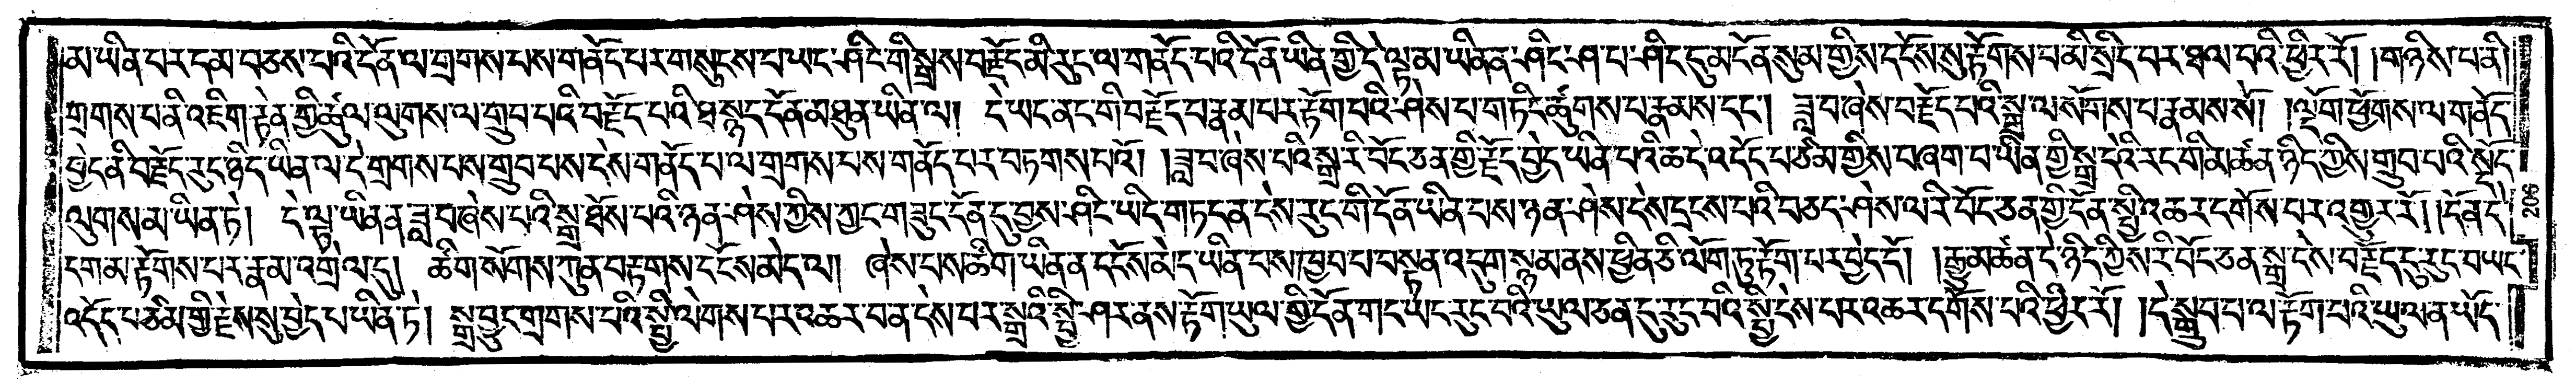མ་ཡིན་པར་དམ་བཅས་པའི་དོན་ལ་གྲགས་པས་གནོད་པར་གསུངས་པ་ཡང་ཤིང་གི་སྒྲས་བརྗོད་མི་རུང་ལ་གནོད་པའི་དོན་ཡིན་གྱི་དེ་ལྟ་མ་ཡིན་ན་ཤིང་ཤ་པ་ཤིང་དུ་མངོན་སུམ་གྱིས་དངོས་སུ་རྟོགས་པ་མི་སྲིད་པར་ཐལ་བའི་ཕྱིར་རོ། །གཉིས་པ་ནི།
གྲགས་པ་ནི་འཇིག་རྟེན་གྱི་ཚུལ་ལུགས་ལ་གྲུབ་པའི་བརྗོད་པའི་ཐ་སྙད་དོན་མཐུན་ཡིན་ལ། དེ་ཡང་ནང་གི་བརྗོད་པ་རྣམ་པར་རྟོག་བའི་ཤེས་པ་གཏིང་ཚུགས་པ་རྣམས་དང་། ཟླ་བ་ཞེས་བརྗོད་པའི་སྒྲ་ལ་སོས་པ་རྣམས་སོ། །ལྡོག་ཕྱོགས་ལ་གནོད་
བྱེད་ནི་བརྗོད་རུང་ཉིད་ཡིན་ལ་དེ་གྲགས་པས་གྲུབ་པས་དེས་གནོད་པ་ལ་གྲགས་པས་གནོད་པར་བཏགས་པའོ། །ཟླ་བ་ཞེས་པའི་སྒྲ་རི་བོང་ཅན་གྱི་རྗོད་བྱེད་ཡིན་པའི་ཆ་དེ་འདོད་པ་ཙམ་གྱིས་བཞག་པ་ཡིན་གྱི་སྒྲ་དེའི་རང་གི་མཚན་ཉིད་ཀྱིས་གྲུབ་པའི་སྡོད་
ལུགས་མ་ཡིན་ཏེ། དེ་ལྟ་ཡིན་ན་ཟླ་བ་ཞེས་པའི་སྒྲ་ཐོས་པའི་ཉན་ཤེས་ཀྱིས་ཀྱང་གཟུང་དོན་དུ་བྱས་ཤིང་ཡིད་གཏད་ན་ངེས་རུང་གི་དོན་ཡིན་པས་ཉན་ཤེས་ངེས་དྲངས་པའི་བཅད་ཤེས་ལ་རི་བོང་ཅན་གྱི་དོན་སྤྱི་འཆར་དགོས་པར་འགྱུར་རོ། །དོན་དེ་
དག་མ་རྟོགས་པར་རྣམ་འགྲེལ་དུ། ཚིག་སོགས་ཀུན་བརྟགས་དངོས་མེད་ལ། ཞེས་པས་ཚིག་ཡིན་ན་དངོས་མེད་ཡིན་པས་ཁྱབ་པ་བསྟན་འདུག་སྙམ་ནས་ཕྱིན་ཅི་ལོག་ཏུ་རྟོག་པར་བྱེད་དོ། །རྒྱུ་མཚན་དེ་ཉིད་ཀྱིས་རི་བོང་ཅན་སྒྲ་ངེས་བརྗོད་དུ་རུང་བ་ཡང་
འདོད་པ་ཙམ་གྱི་རྗེས་སུ་བྱེད་པ་ཡིན་ཏེ། སྒྲ་བྱུང་གྲགས་པའི་སྤྱི་ལེགས་པར་འཆར་བ་ན་ངེས་པར་སྒྲའི་སྤྱི་ཤར་ནས་རྟོག་ཡུལ་གྱི་དོན་གང་ཡང་རུང་བའི་ཡུལ་ཅན་དུ་རུང་བའི་སྤྱི་ངེས་པར་འཆར་དགོས་པའི་ཕྱིར་རོ། །དེ་སྒྲུབ་པ་ལ་རྟོག་པའི་ཡུལ་ན་ཡོད་